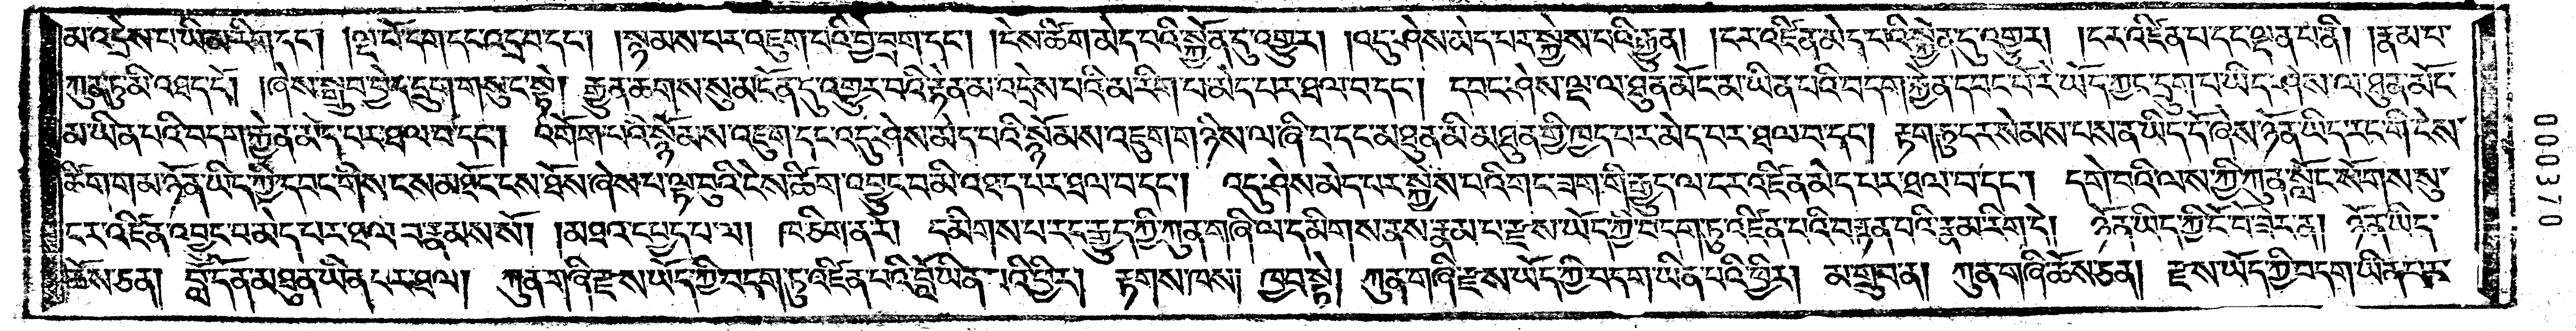མ་འདྲེས་པ་ཡི་མ་རིག་དང་། །ལྔ་པོ་དག་དང་འདྲ་བ་དང་། །སྙོམས་པར་འཇུག་པའི་བྱེ་བྲག་དང་། །ངེས་ཚིག་མེད་པའི་སྐྱོན་དུ་འགྱུར། །འདུ་ཤེས་མེད་པར་སྐྱེས་པའི་རྒྱུན། །ངར་འཛིན་མེད་པའི་སྐྱེན་དུ་འགྱུར། །ངར་འཛིན་པ་དང་ལྡན་པ་ནི། །རྣམ་པ་
ཀུན་ཏུ་མི་འཐད་དོ། །ཞེས་སྒྲུབ་བྱེད་དྲུག་གསུང་སྟེ། རྒྱུན་ཆགས་སུ་མངོན་དུ་འགྱུར་བའི་རྟན་མ་འདྲེས་པའི་མ་རིག་པ་མེད་པར་ཐལ་བ་དང་། དབང་ཤེས་ལྔ་ལ་ཐུན་མོང་མ་ཡིན་པའི་བདག་རྐྱེན་དབང་པོ་རེ་ཡོད་ཀྱང་དྲུག་པ་ཡིད་ཤེས་ལ་ཐུན་མོང་
མ་ཡིན་པའི་བདག་རྐྱེན་མེད་པར་ཐལ་བ་དང་། འགོག་པའི་སྙོམས་འཇུག་དང་འདུ་ཤོས་མེད་པའི་སྙོམས་འཇུག་གཉིས་ལ་ཞི་བ་དང་མཐུན་མི་མཐུན་གྱི་ཁྱད་པར་མེད་པར་ཐལ་བ་དང་། རྟག་ཏུ་ངར་སེམས་པས་ན་ཡིད་དོ་ཞེས་ཉོན་ཡིད་རང་གི་ངེས་
ཚིག་ག་མཉོན་ཡིད་ཀྱི་དབང་གིས་ངས་མཐོང་བས་ཐོས་ཞེས་པ་ལྟ་བུའི་ངེས་ཚིག་འབྱུང་བ་མི་འཐད་པར་ཐལ་བ་དང་། འདུ་ཤེས་མེད་པར་སྐྱེས་པའི་གང་ཟག་གི་རྒྱུད་ལ་ངར་འཛིན་མེད་པར་ཐལ་བ་དང་། དགེ་བའི་ལས་ཀྱི་ཀུན་སློང་སོགས་སུ་
ངར་འཛིན་འབྱུང་བ་མེ་དཔར་ཐལ་བ་རྣམས་སོ། །མཐའ་དཔྱད་པ་ལ། ཁ་ཅིག་ན་རེ། དམིགས་པ་རང་རྒྱུད་ཀྱི་ཀཡན་གྱི་ལ་དམིགས་ནས་རྣམ་པ་རྫས་ཡོད་ཀྱི་བདག་ཏུ་འཛིན་པའི་བརྟན་པའི་རྣམ་རིག་དེ། ཉོན་ཡིད་ཀྱི་ངོ་བོ་ཐར་ན། ཉོན་ཡིད་
ཆོས་ཅན། གླ་དོན་མཐུན་ཡིན་པར་ཐལ། ཀུན་གཞི་རྫས་ཡོད་ཀྱི་བདག་ཏུ་འཛིན་པའི་བློ་ཡིན་པའི་ཕྱིར། རྟགས་ཁས། ཁྱབ་སྟེ། ཀུན་གཞི་རྫས་ཡོད་ཀྱི་བདག་ཡིན་པའི་ཕྱིར། མ་གྲུབ་ན། ཀུན་གཞི་ཆོས་ཅན། རྫས་ཡོད་ཀྱི་བདག་ཡིན་པར་